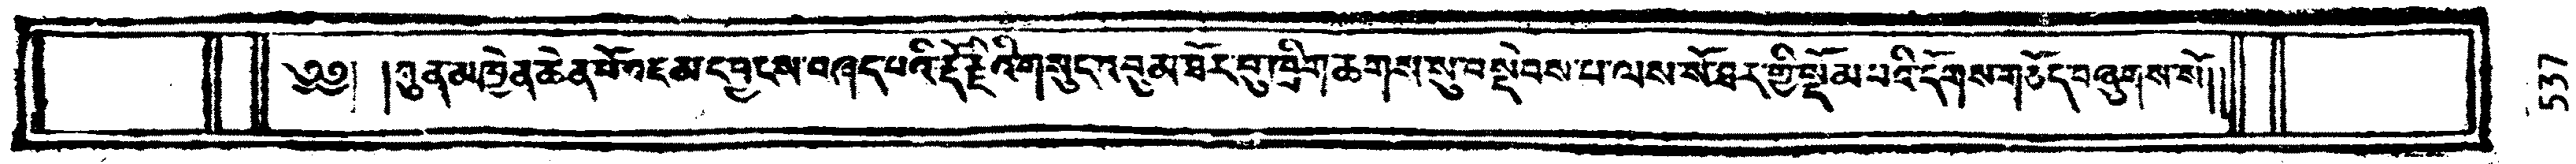༄༅། །ཀུན་མཁྱེན་ཆེན་པོ་འཇམ་དབྱངས་བཞད་པའི་རྡོ་རྗེའི་གསུང་འབུམ་ཐོར་བུ་ཁྲིག་ཆགས་སུ་བསྡེབས་པ་ལས་སོ་ཐར་གྱི་སྡོམ་པའི་དོགས་གཅོད་བཞུགས་སོ།།